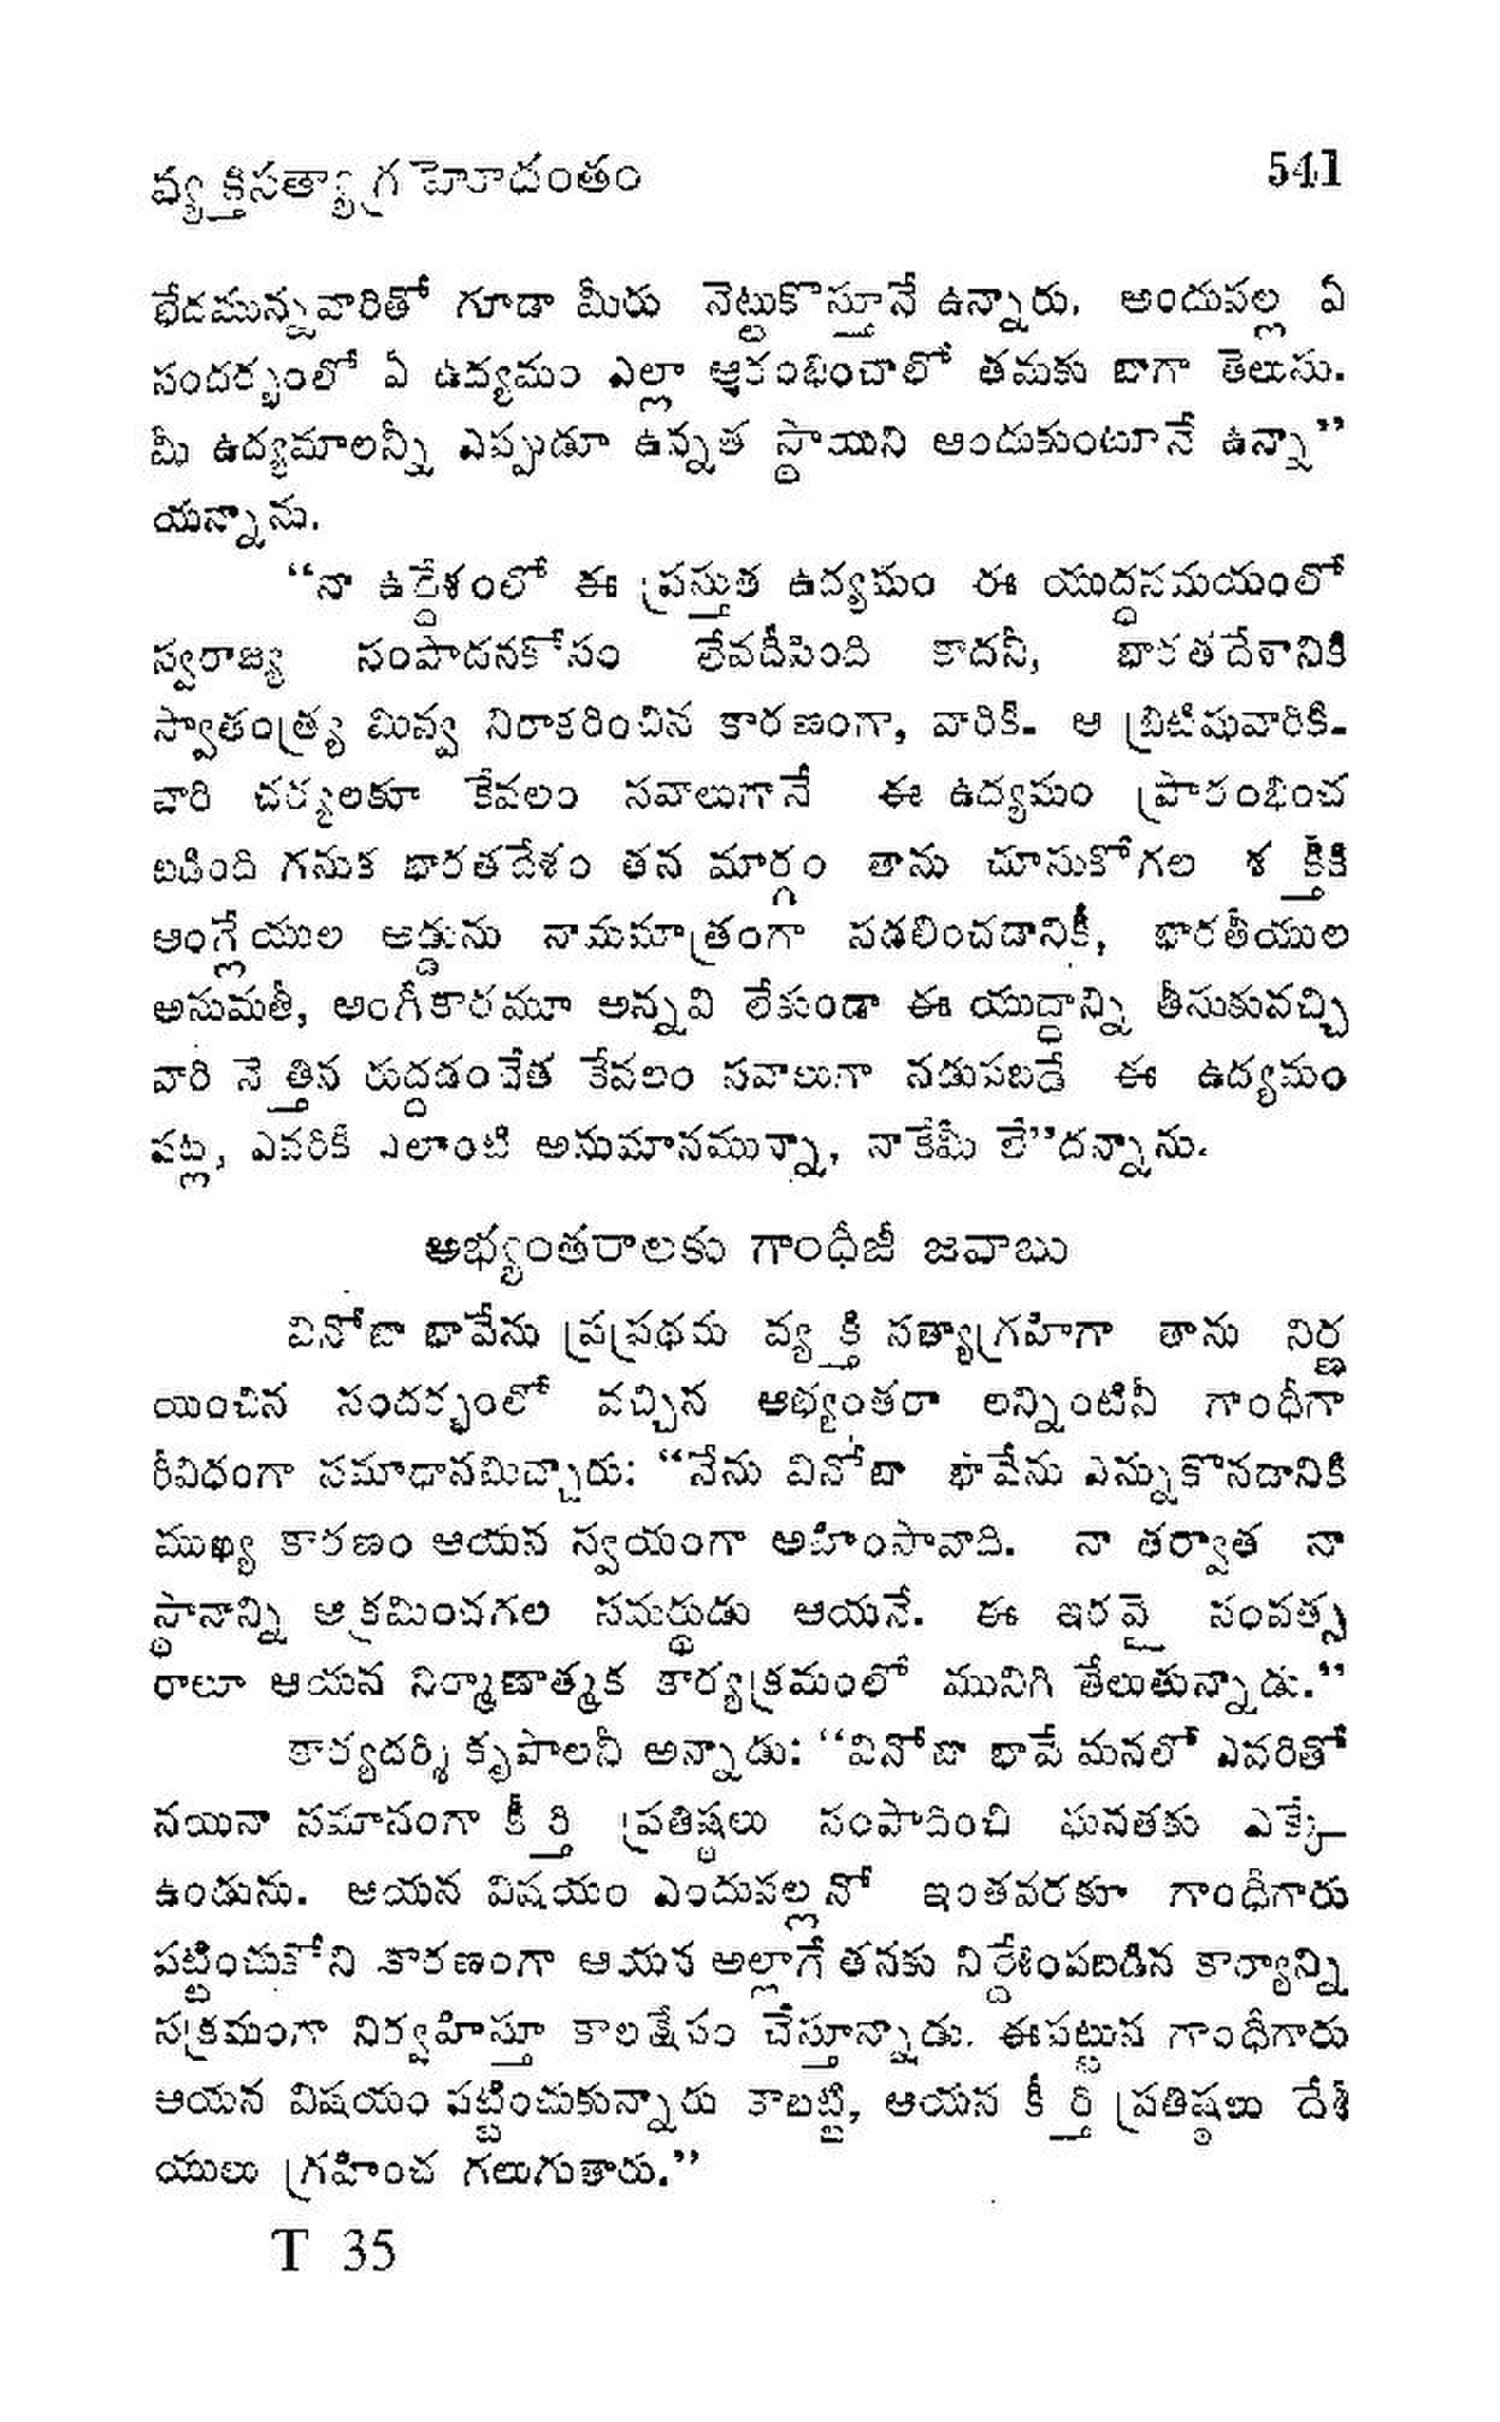భేదమున్నవారితో గూడా మీరు నెట్టుకొస్తూనే ఉన్నారు. అందువల్ల ఏ సందర్భంలో ఏ ఉద్యమం ఎల్లా ఆరంభించాలో తమకు బాగా తెలుసు. మీ ఉద్యమాలన్నీ ఎప్పుడూ ఉన్నత స్థాయిని అందుకుంటూనే ఉన్నా" యన్నాను.

"నా ఉద్దేశంలో ఈ ప్రస్తుత ఉద్యమం ఈ యుద్ధసమయంలో స్వరాజ్య సంపాదన కోసం లేవదీసింది కాదనీ, భారతదేశానికి స్వాతంత్ర్య మివ్వ నిరాకరించిన కారణంగా, వారికి - ఆ బ్రిటిషువారికి - వారి చర్యలకూ కేవలం సవాలుగానే ఈ ఉద్యమం ప్రారంభించ బడింది గనుక భారతదేశం తన మార్గం తాను చూసుకోగల శక్తికి ఆంగ్లేయుల అడ్డును నామ మాత్రంగా సడలించడానికీ, భారతీయుల అనుమతీ, అంగీకారమూ అన్నవి లేకుండా ఈ యుద్ధాన్ని తీసుకువచ్చి వారి నెత్తిన రుద్దడంచేత కేవలం సవాలుగా నడుపబడే ఈ ఉద్యమం పట్ల, ఎవరికి ఎలాంటి అనుమానమున్నా, నాకేమీ లే"దన్నాను.

వినోబా భావేను ప్రప్రథమ వ్యక్తి సత్యాగ్రహిగా తాను నిర్ణయించిన సందర్భంలో వచ్చిన అభ్యంతరా లన్నింటినీ గాంధీగా రీవిధంగా సమాధానమిచ్చారు. "నేను వినోబా భావేను ఎన్నుకొనడానికి ముఖ్య కారణం ఆయన స్వయంగా అహింసావాది. నా తర్వాత నాస్థానాన్ని ఆక్రమించగల సమర్థుడు ఆయనే. ఈ ఇరవై సంవత్సరాలూ ఆయన నిర్మాణాత్మక కార్యక్రమంలో మునిగి తేలుతున్నాడు."

కార్యదర్శి కృపాలనీ అన్నాడు: "వినోబా భావే మనలో ఎవరితో నయినా సమానంగా కీర్తి ప్రతిష్టలు సంపాదించి ఘనతకు ఎక్కే ఉండును. ఆయన విషయం ఎందువల్లనో ఇంత వరకూ గాంధీగారు పట్టించుకోని కారణంగా ఆయన అల్లాగే తనకు నిర్దేశింపబడిన కార్యాన్ని సక్రమంగా నిర్వహిస్తూ కాలక్షేపం చేస్తూన్నాడు. ఈపట్టున గాంధీగారు ఆయన విషయం పట్టించుకున్నారు కాబట్టి, ఆయన కీర్తి ప్రతిష్ఠలు దేశీయులు గ్రహించ గలుగుతారు."